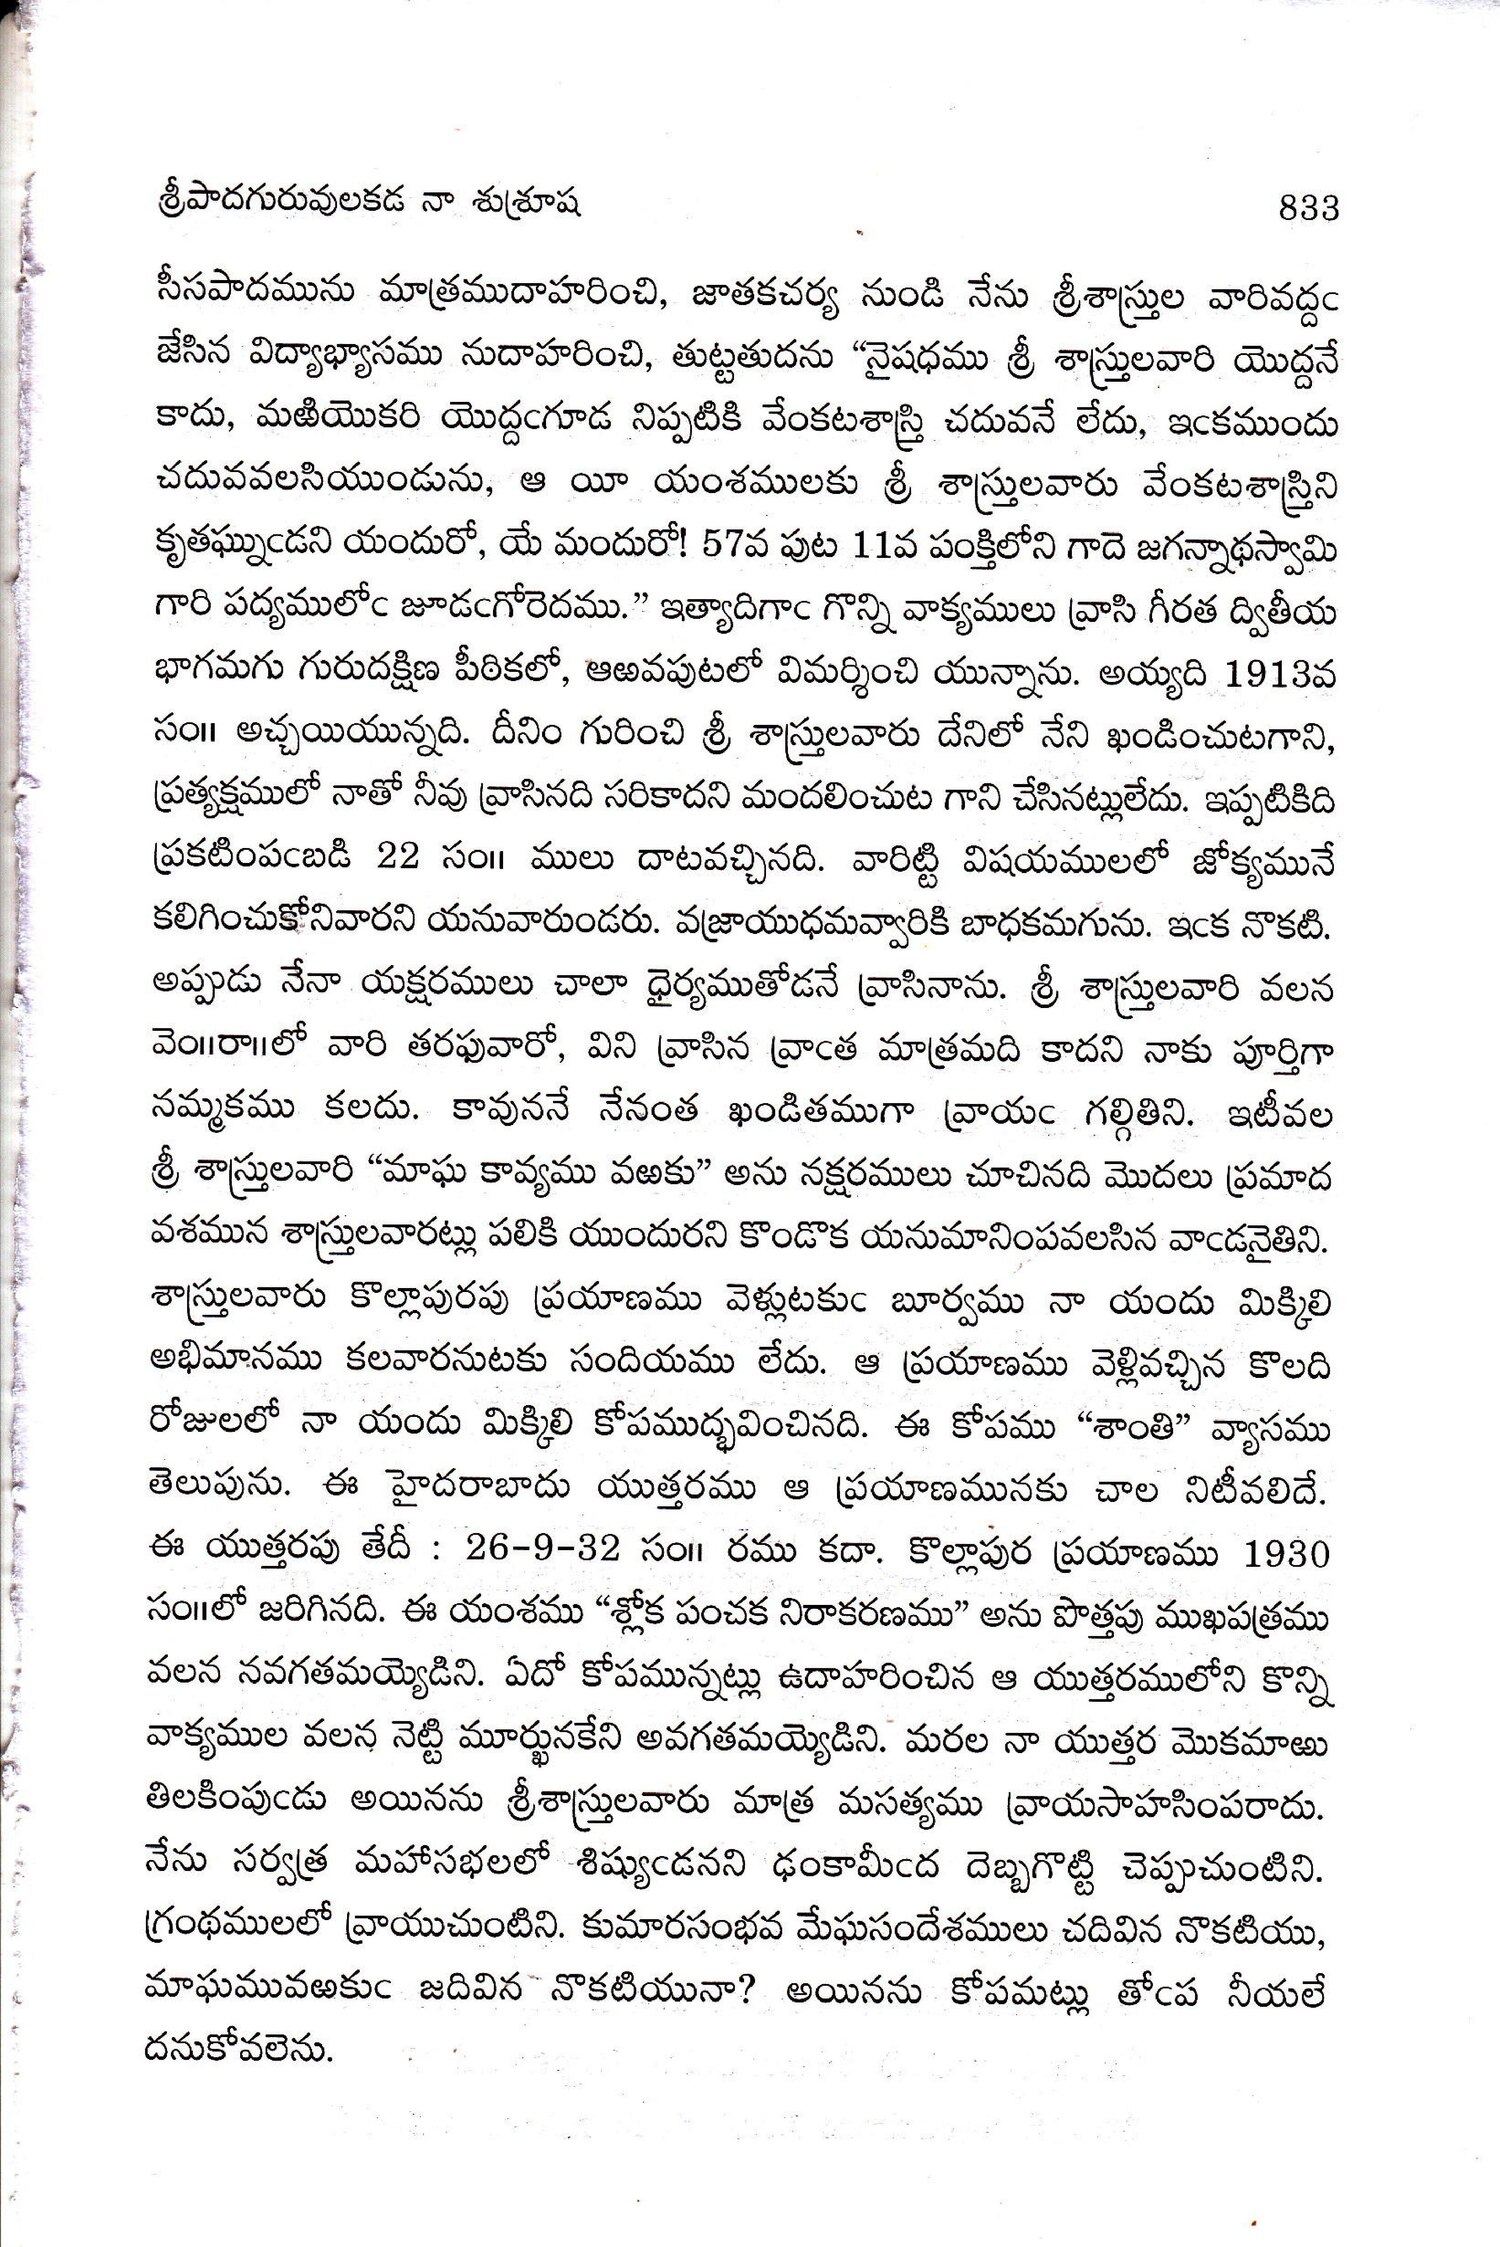సీసపాదమును మాత్రముదాహరించి, జాతకచర్య నుండి నేను శ్రీశాస్త్రుల వారివద్దఁ జేసిన విద్యాభ్యాసము నుదాహరించి, తుట్టతుదను 'నైషధము శ్రీ శాస్త్రులవారి యొద్దనే కాదు, మఱియొకరి యొద్దఁగూడ నిప్పటికి వేంకటశాస్త్రి చదువనే లేదు, ఇఁకముందు చదువవలసియుండును. ఆ యీ యంశములకు శ్రీ శాస్త్రులవారు వేంకటశాస్త్రిని కృతఘ్నుఁడని యందురో, యే మందురో 57వ పుట 11వ పంక్తిలోని గాదె జగన్నాథస్వామి గారి పద్యములోఁ జూడఁగోరెదము.” ఇత్యాదిగాఁ గొన్ని వాక్యములు వ్రాసి గీరత ద్వితీయ భాగమగు గురుదక్షిణ పీఠికలో, ఆఱవపుటలో విమర్శించి యున్నాను. అయ్యది 1913వ సం|| అచ్చయియున్నది. దీనిం గురించి శ్రీ శాస్త్రులవారు దేనిలో నేని ఖండించుటగాని, ప్రత్యక్షములో నాతో నీవు వ్రాసినది సరికాదని మందలించుట గాని చేసినట్లులేదు. ఇప్పటికిది ప్రకటింపఁబడి 22 సం!! ములు దాటవచ్చినది. వారిట్టి విషయములలో జోక్యమునే కలిగించుకోనివారని యనువారుండరు. వజ్రాయుధమవ్వారికి బాధకమగును. ఇఁక నొకటి. అప్పుడు నేనా యక్షరములు చాలా ధైర్యముతోడనే వ్రాసినాను. శ్రీ శాస్త్రులవారి వలన వెం||రా||లో వారి తరఫువారో, విని వ్రాసిన వ్రాఁత మాత్రమది కాదని నాకు పూర్తిగా నమ్మకము కలదు. కావుననే నేనంత ఖండితముగా వ్రాయఁ గల్గితిని. ఇటీవల శ్రీ శాస్త్రులవారి "మాఘ కావ్యము వఱకు" అను నక్షరములు చూచినది మొదలు ప్రమాద వశమున శాస్త్రులవారట్లు పలికి యుందురని కొండొక యనుమానింపవలసిన వాఁడనైతిని. శాస్త్రులవారు కొల్లాపురపు ప్రయాణము వెళ్లుటకుఁ బూర్వము నా యందు మిక్కిలి అభిమానము కలవారనుటకు సందియము లేదు. ఆ ప్రయాణము వెళ్లివచ్చిన కొలది రోజులలో నా యందు మిక్కిలి కోపముద్భవించినది. ఈ కోపము "శాంతి" వ్యాసము తెలుపును. ఈ హైదరాబాదు యుత్తరము ఆ ప్రయాణమునకు చాల నిటీవలిదే. ఈ యుత్తరపు తేదీ : 26-9-32 సం|| రము కదా. కొల్లాపుర ప్రయాణము 1930 సం||లో జరిగినది. ఈ యంశము "శ్లోక పంచక నిరాకరణము" అను పొత్తపు ముఖపత్రము వలన నవగతమయ్యెడిని. ఏదో కోపమున్నట్లు ఉదాహరించిన ఆ యుత్తరములోని కొన్ని వాక్యముల వలన నెట్టి మూర్ఖునకేని అవగతమయ్యెడిని. మరల నా యుత్తర మొకమాఱు తిలకింపుcడు అయినను శ్రీశాస్త్రులవారు మాత్ర మసత్యము వ్రాయసాహసింపరాదు. నేను సర్వత్ర మహాసభలలో శిష్యుఁడనని ఢంకామీఁద దెబ్బగొట్టి చెప్పుచుంటిని. గ్రంథములలో వ్రాయుచుంటిని. కుమారసంభవ మేఘసందేశములు చదివిన నొకటియు, మాఘమువఱకుఁ జదివిన నొకటియునా? అయినను కోపమట్లు తోఁప నీయలే దనుకోవలెను.